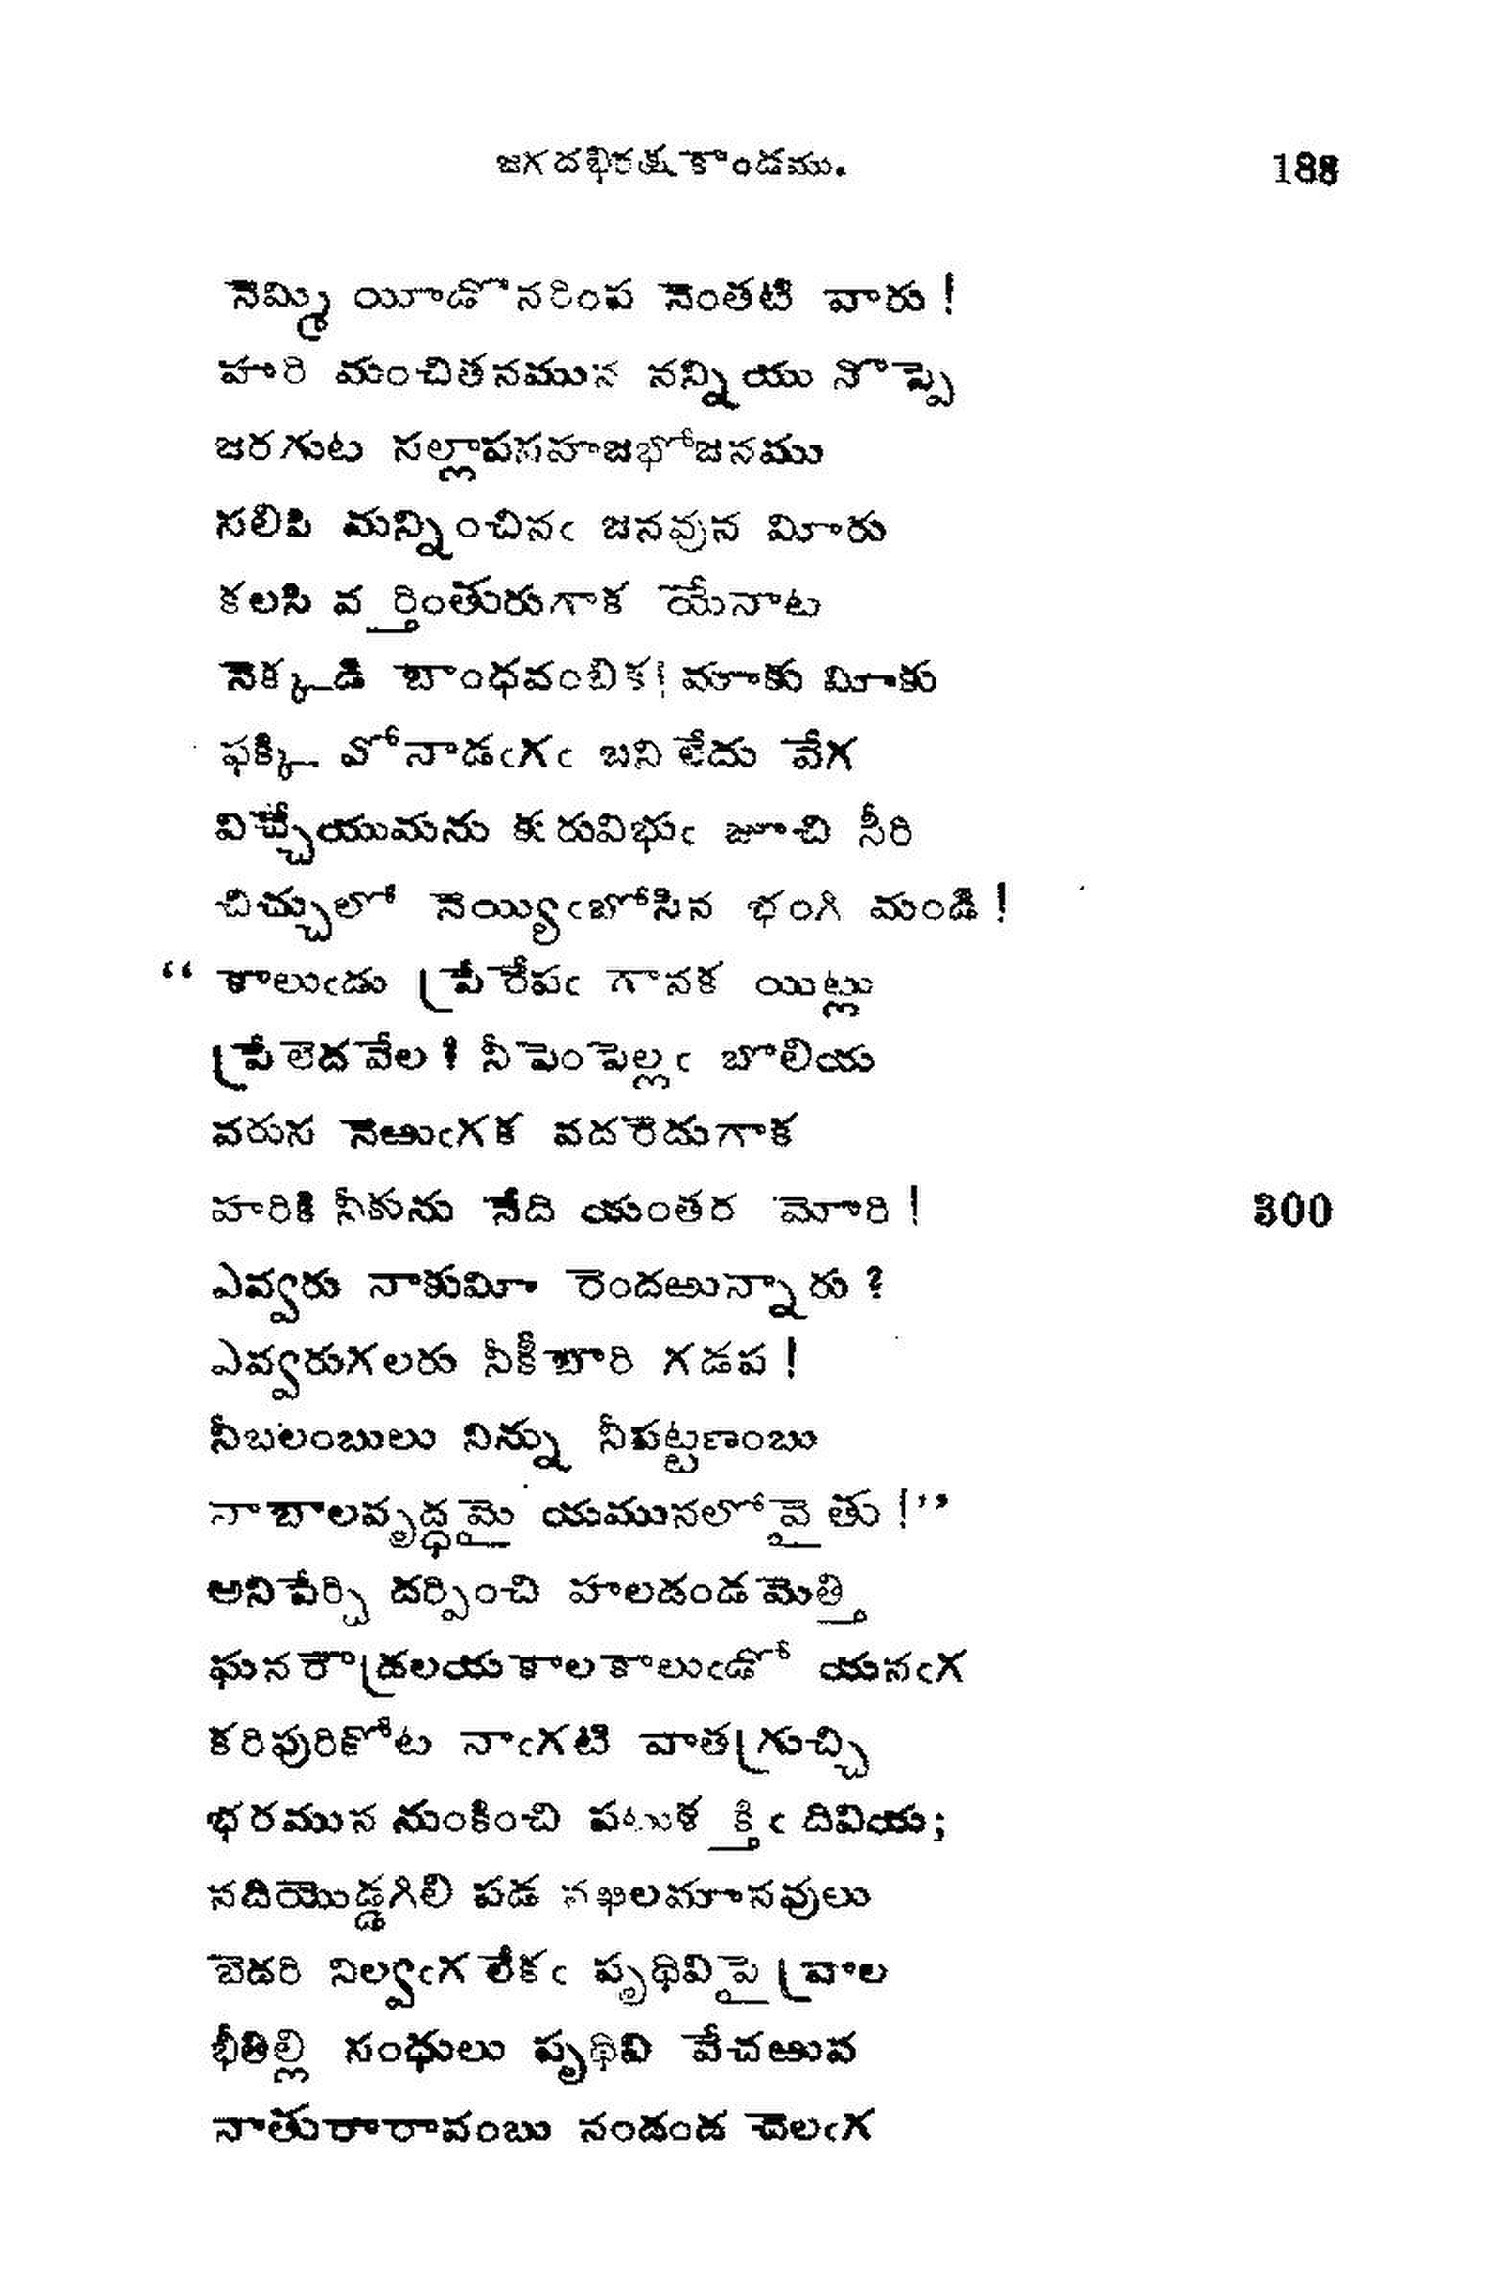నెమ్మి యీడొనరింప నెంతటి వారు! 
హరి మంచితనమున నన్నియు నొప్పె
జరగుట సల్లాపసహజభోజనము
సలిపి మన్నించినఁ జనవున మీరు
కలసి వర్తింతురుగాక యేనాట
నెక్కడి బాంధవంబిక? మాకు మీకు
ఫక్కి వోనాడఁగఁ బనిలేదు వేగ 
విచ్చేయు” మను కురువిభుఁ జూచి సీరి
చిచ్చులో నెయ్యిఁబోసిన భంగి మండి! 
“కాలుఁడు ప్రేరేపఁ గానక యిట్లు 
ప్రేలెదవేల? నీ పెంపెల్లఁ బొలియ
వరుస నెఱుంగక వదరెదుగాక
హరికి నీకును నేది యంతర మోరి!
ఎవ్వరు నాకు మీ రెందఱున్నారు? 
ఎవ్వరుగలరు నీకీబారి గడప! 
నీ బలంబులు నిన్ను నీ పట్టణంబు
నాబాలవృద్ధమై యమునలోవైతు!” 
అని పేర్చి దర్పించి హలదండమెత్తి
ఘనరౌద్రలయకాలకాలుఁడో యనఁగ
కరిపురికోట నాఁగటి వాత గ్రుచ్చి
భరమున నుంకించి పటుశక్తిఁ దివియ; 
నది యొడ్డగిలి పడ నఖిలమానవులు
బెదరి నిల్వఁగలేకఁ పృథివిపై వ్రాల
భీతిల్లి సంధులు పృథివి వేచఱువ
నాతురారావంబు నందంద చెలఁగ